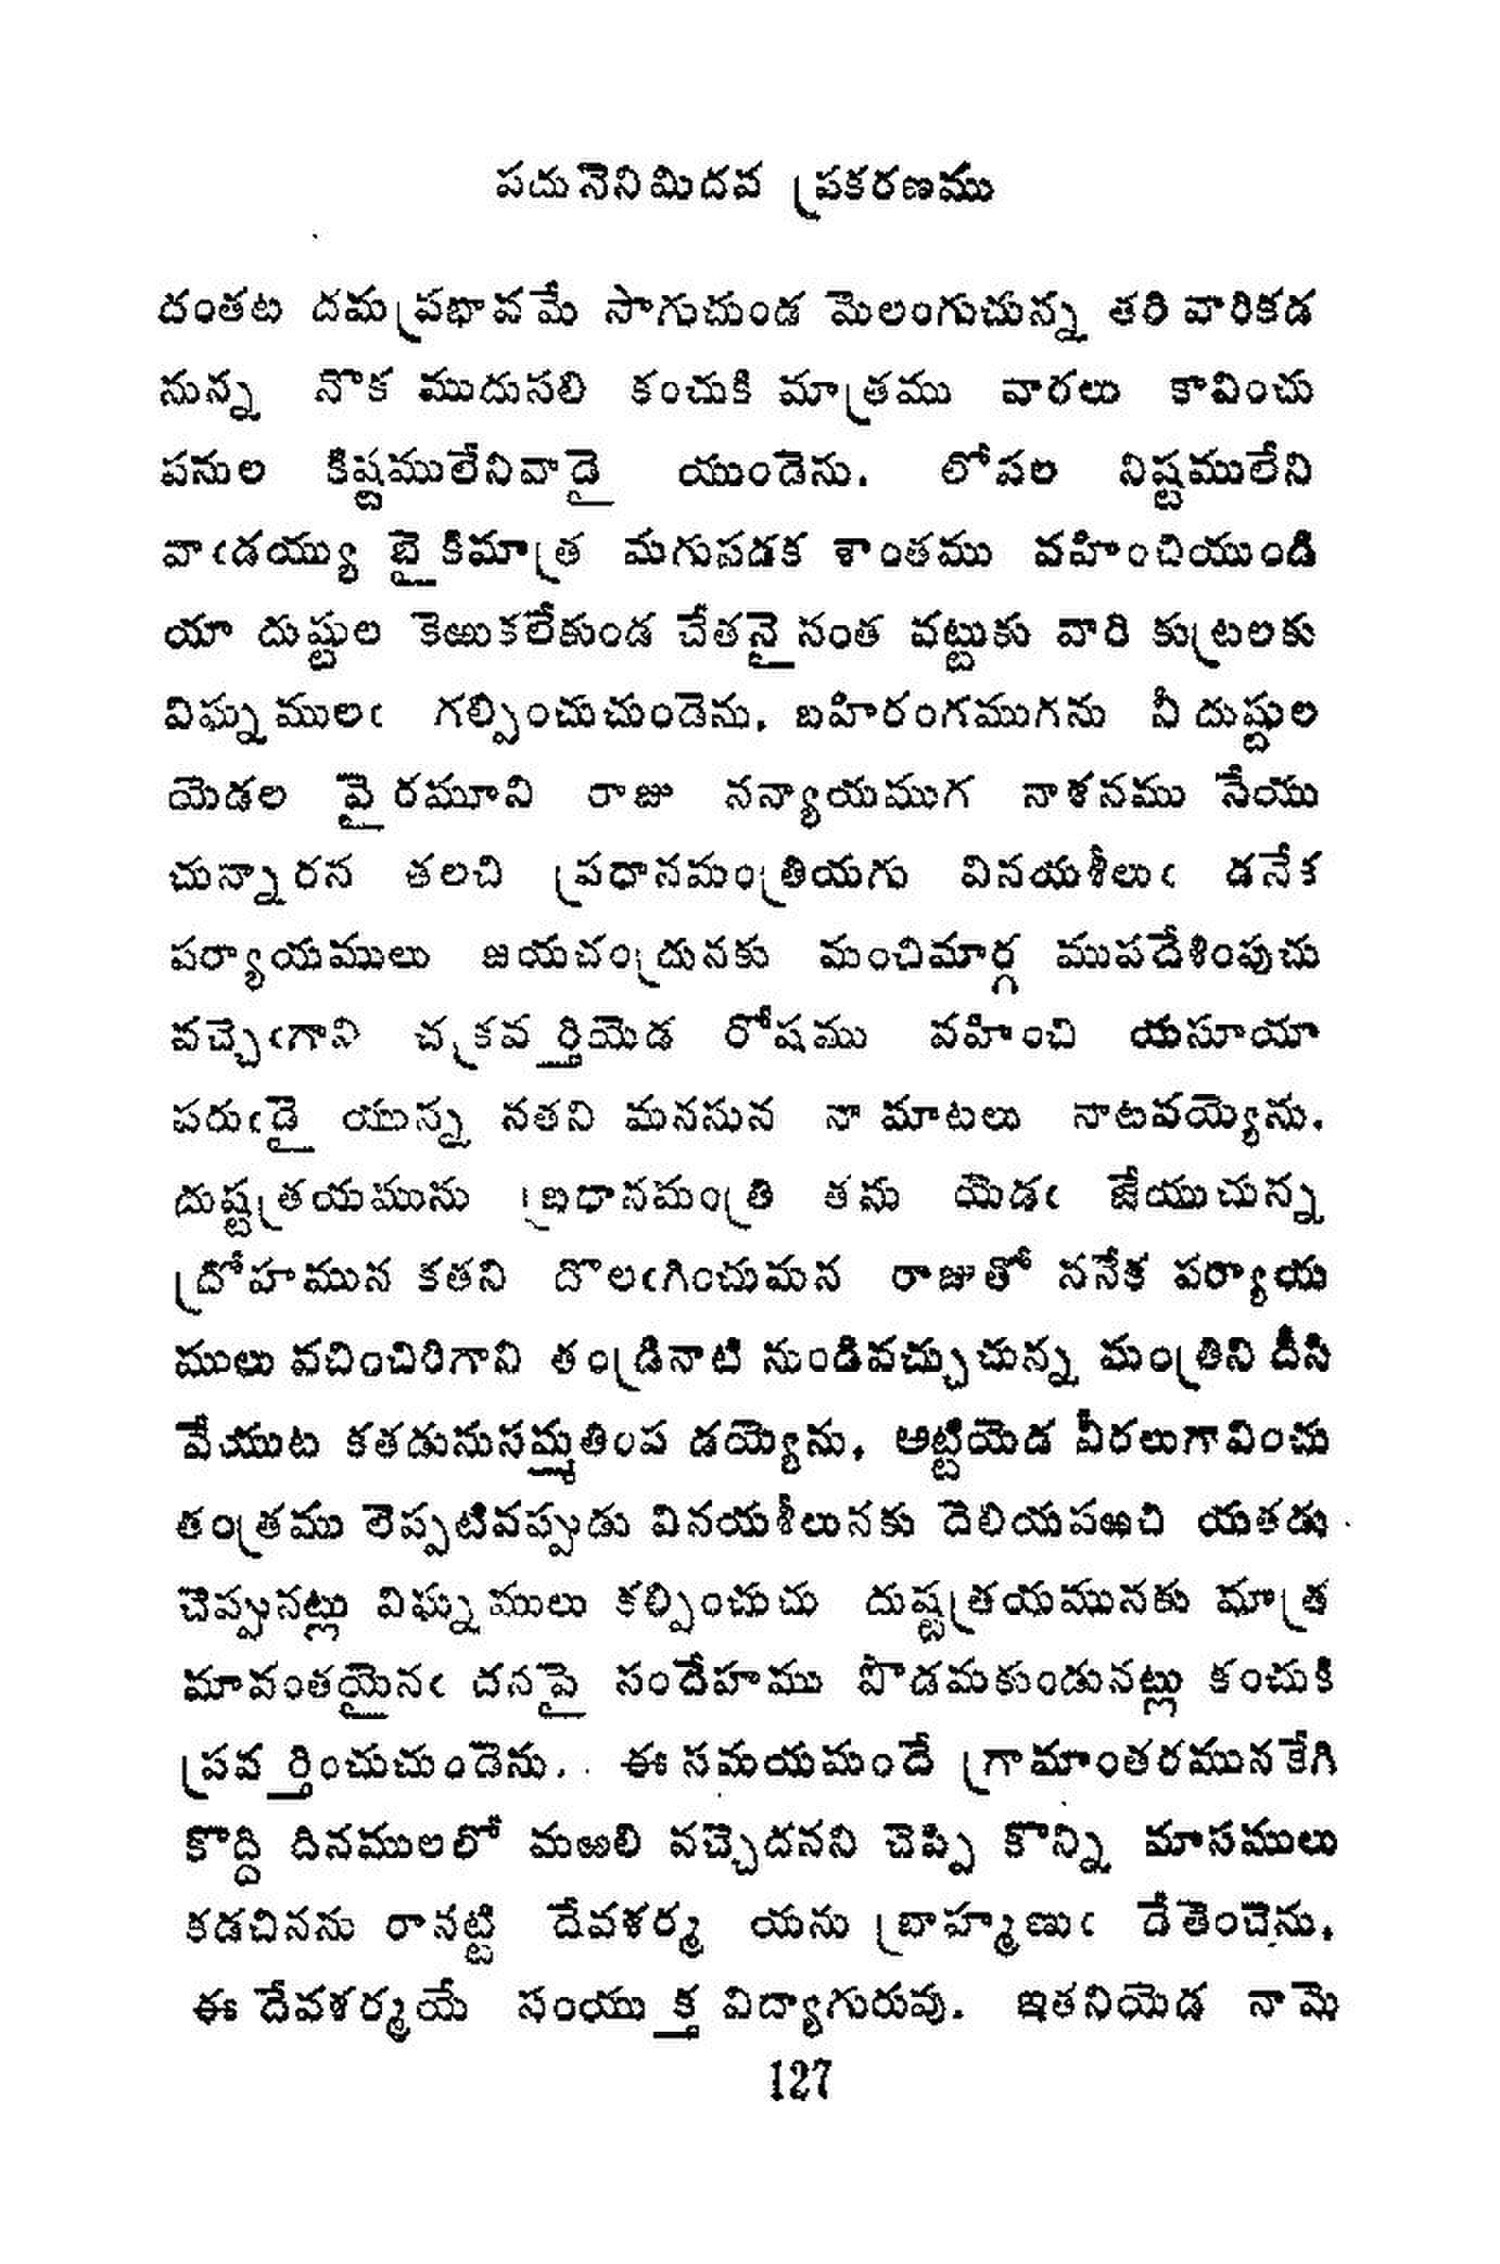దంతట దమప్రభావమే సాగుచుండ మెలంగుచున్న తరి వారికడనున్న నొక ముదుసలి కంచుకి మాత్రము వారలు కావించు పనుల కిష్టములేనివాడై యుండెను. లోపల నిష్టములేని వాఁడయ్యు బైకిమాత్ర మగుపడక శాంతము వహించియుండి యా దుష్టుల కెఱుకలేకుండ చేతనైనంత వట్టుకు వారి కుట్రలకు విఘ్నములఁ గల్పించుచుండెను, బహిరంగముగను నీ దుష్టుల యెడల వైరమూని రాజు నన్యాయముగ నాశనము సేయు చున్నారన తలచి ప్రధానమంత్రియగు వినయశీలుఁ డనేక పర్యాయములు జయచంద్రునకు మంచిమార్గ ముపదేశింపుచు వచ్చెఁగాని చక్రవర్తియెడ రోషము వహించి యసూయా పరుఁడై యున్న నతని మనసున నా మాటలు నాటవయ్యెను. దుష్టత్రయమును బ్రధానమంత్రి తమ యెడఁ జేయుచున్న ద్రోహమున కతని దొలఁగించుమన రాజుతో ననేక పర్యాయములు వచించిరిగాని తండ్రినాటి నుండివచ్చుచున్న మంత్రిని దీసివేయుట కతడునుసమ్మతింప డయ్యెను, అట్టియెడ వీరలుగావించు తంత్రము లెప్పటివప్పుడు వినయశీలునకు దెలియపఱచి యతడు. చెప్పునట్లు విఘ్నములు కల్పించుచు దుష్టత్రయమునకు మాత్ర మావంతయైనఁ దనపై సందేహము పొడమకుండునట్లు కంచుకి ప్రవర్తించుచుండెను. . ఈ సమయమందే గ్రామాంతరమునకేగి కొద్ది దినములలో మఱలి వచ్చెదనని చెప్పి కొన్ని మాసములు కడచినను రానట్టి దేవశర్మ యను బ్రాహ్మణుఁ డేతెంచెను. ఈ దేవశర్మయే సంయుక్త విద్యాగురువు. ఇతనియెడ నామె